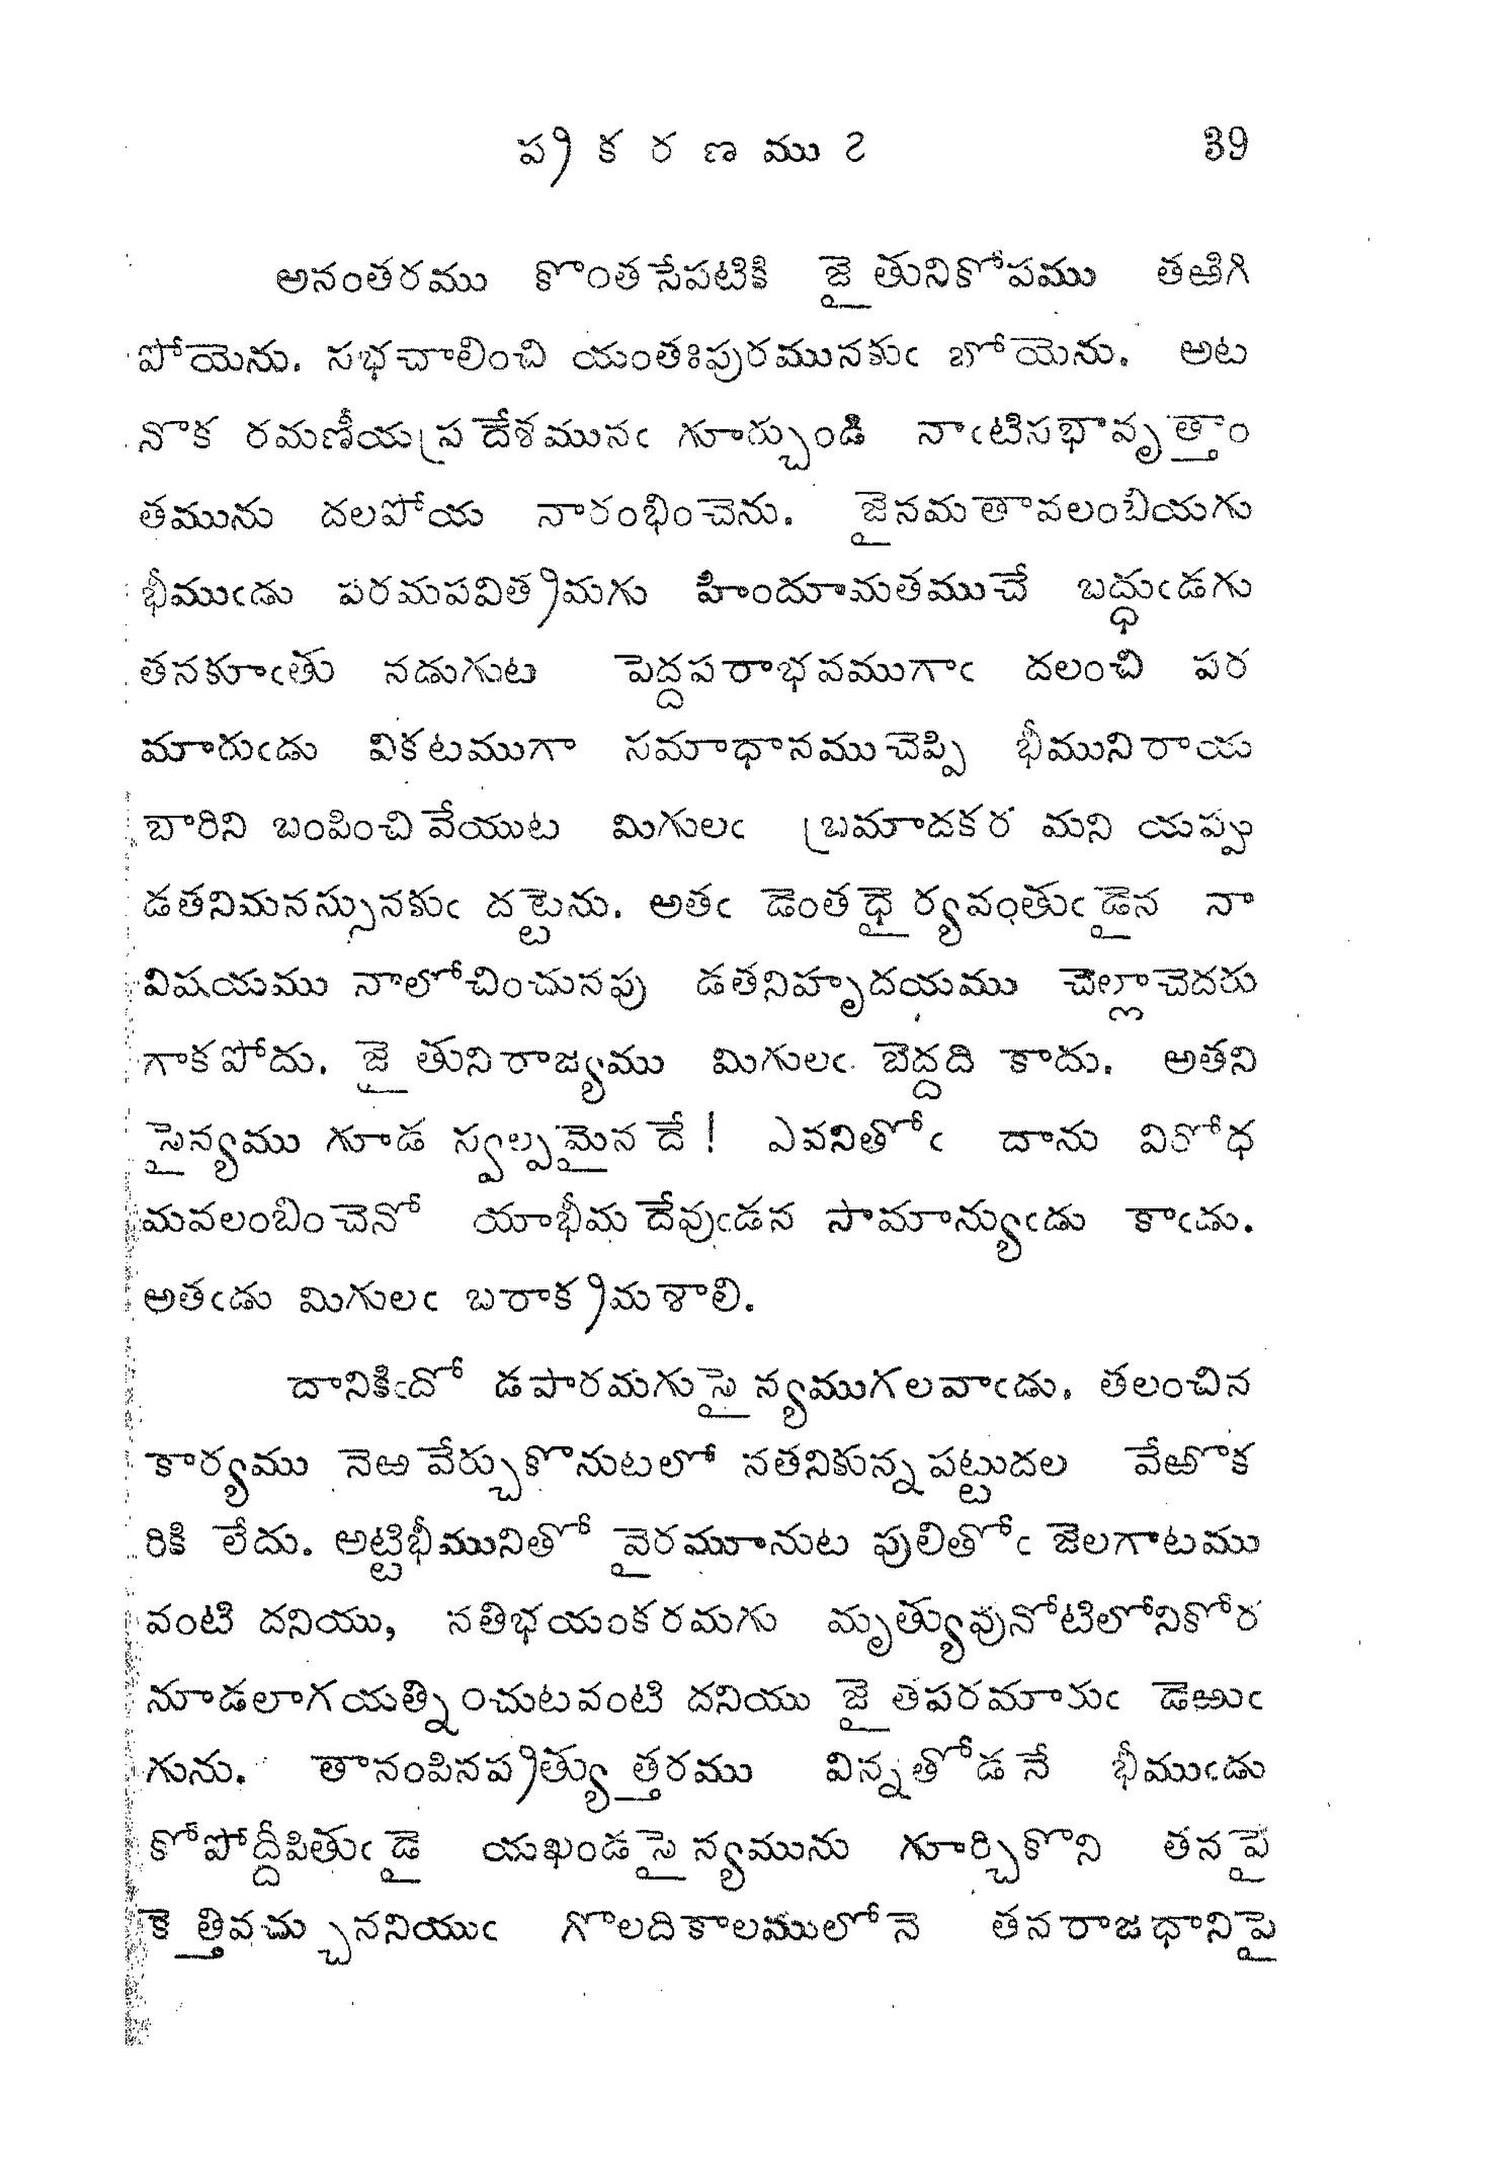అనంతరము కొంత సేపటికి జైతునికోపము 'పోయెను. సభచాలించి యంతఃపురమునకుఁ బోయెను. నొక రమణీయ ప్రదేశమునఁ గూగ్చుండి నాఁటి సభానృత్తాం తమును దలపోయ నారంభించెను. జైనమతావలంబియగు భీముఁడు పరమ పవిత్రమగు హిందూమతముచే బుఁడగు తనకూఁతు నడుగుట పెద్దపరాభవముగాఁ దలంచి పర మారుఁడు వికటముగా సమాధానము చెప్పి భీముని రాయ బారిని బంపించి వేయుట మిగులఁ బ్రమాదకర మని దుప్పు డతని మనస్సునకుఁ దట్టెను. అతఁ డెంత ధైర్యవంతుఁ డైన నా విషయము నాలోచించునపు డతని హృదయము చెల్లా చెదరు గాక పోదు. జై తుని రాజ్యము మిగులం. బెద్దదిది కాదు. అతని సైన్యము గూడ స్వల్పమైన దే ! ఎవనితోఁ దాను విరోధ మవలంబిం చెనో యాభీమ దేవుఁడన సామాన్యుఁడు కాడు. అతఁడు మిగులఁ బరాక్రమశాలి.

దానికిదో డపారమగు సైన్యముగలవాఁడు. తలంచిన కార్యము నెఱ వేర్చుకొనుటలో నతనికున్న పట్టుదల వేఱొక రికి లేదు. అట్టి భీమునితో వైరమూనుట పులితోఁ జెలగాటము వంటి దనియు, నతిభయంకరమగు మృత్యువునోటిలోనికోర నూడలాగయత్నించుట వంటి దనియు జై తెపరమారుఁ డెఱుఁ గును. " తానంపిన ప్రత్యుత్తరము విన్నతోడ నే భీముఁడు కోపోద్దీపితుఁ డై యఖండ సై న్యమును గూర్చికొని తన పై కెత్తివచ్చుననియుఁ గొలది కాలములోనె తన రాజధాని పై